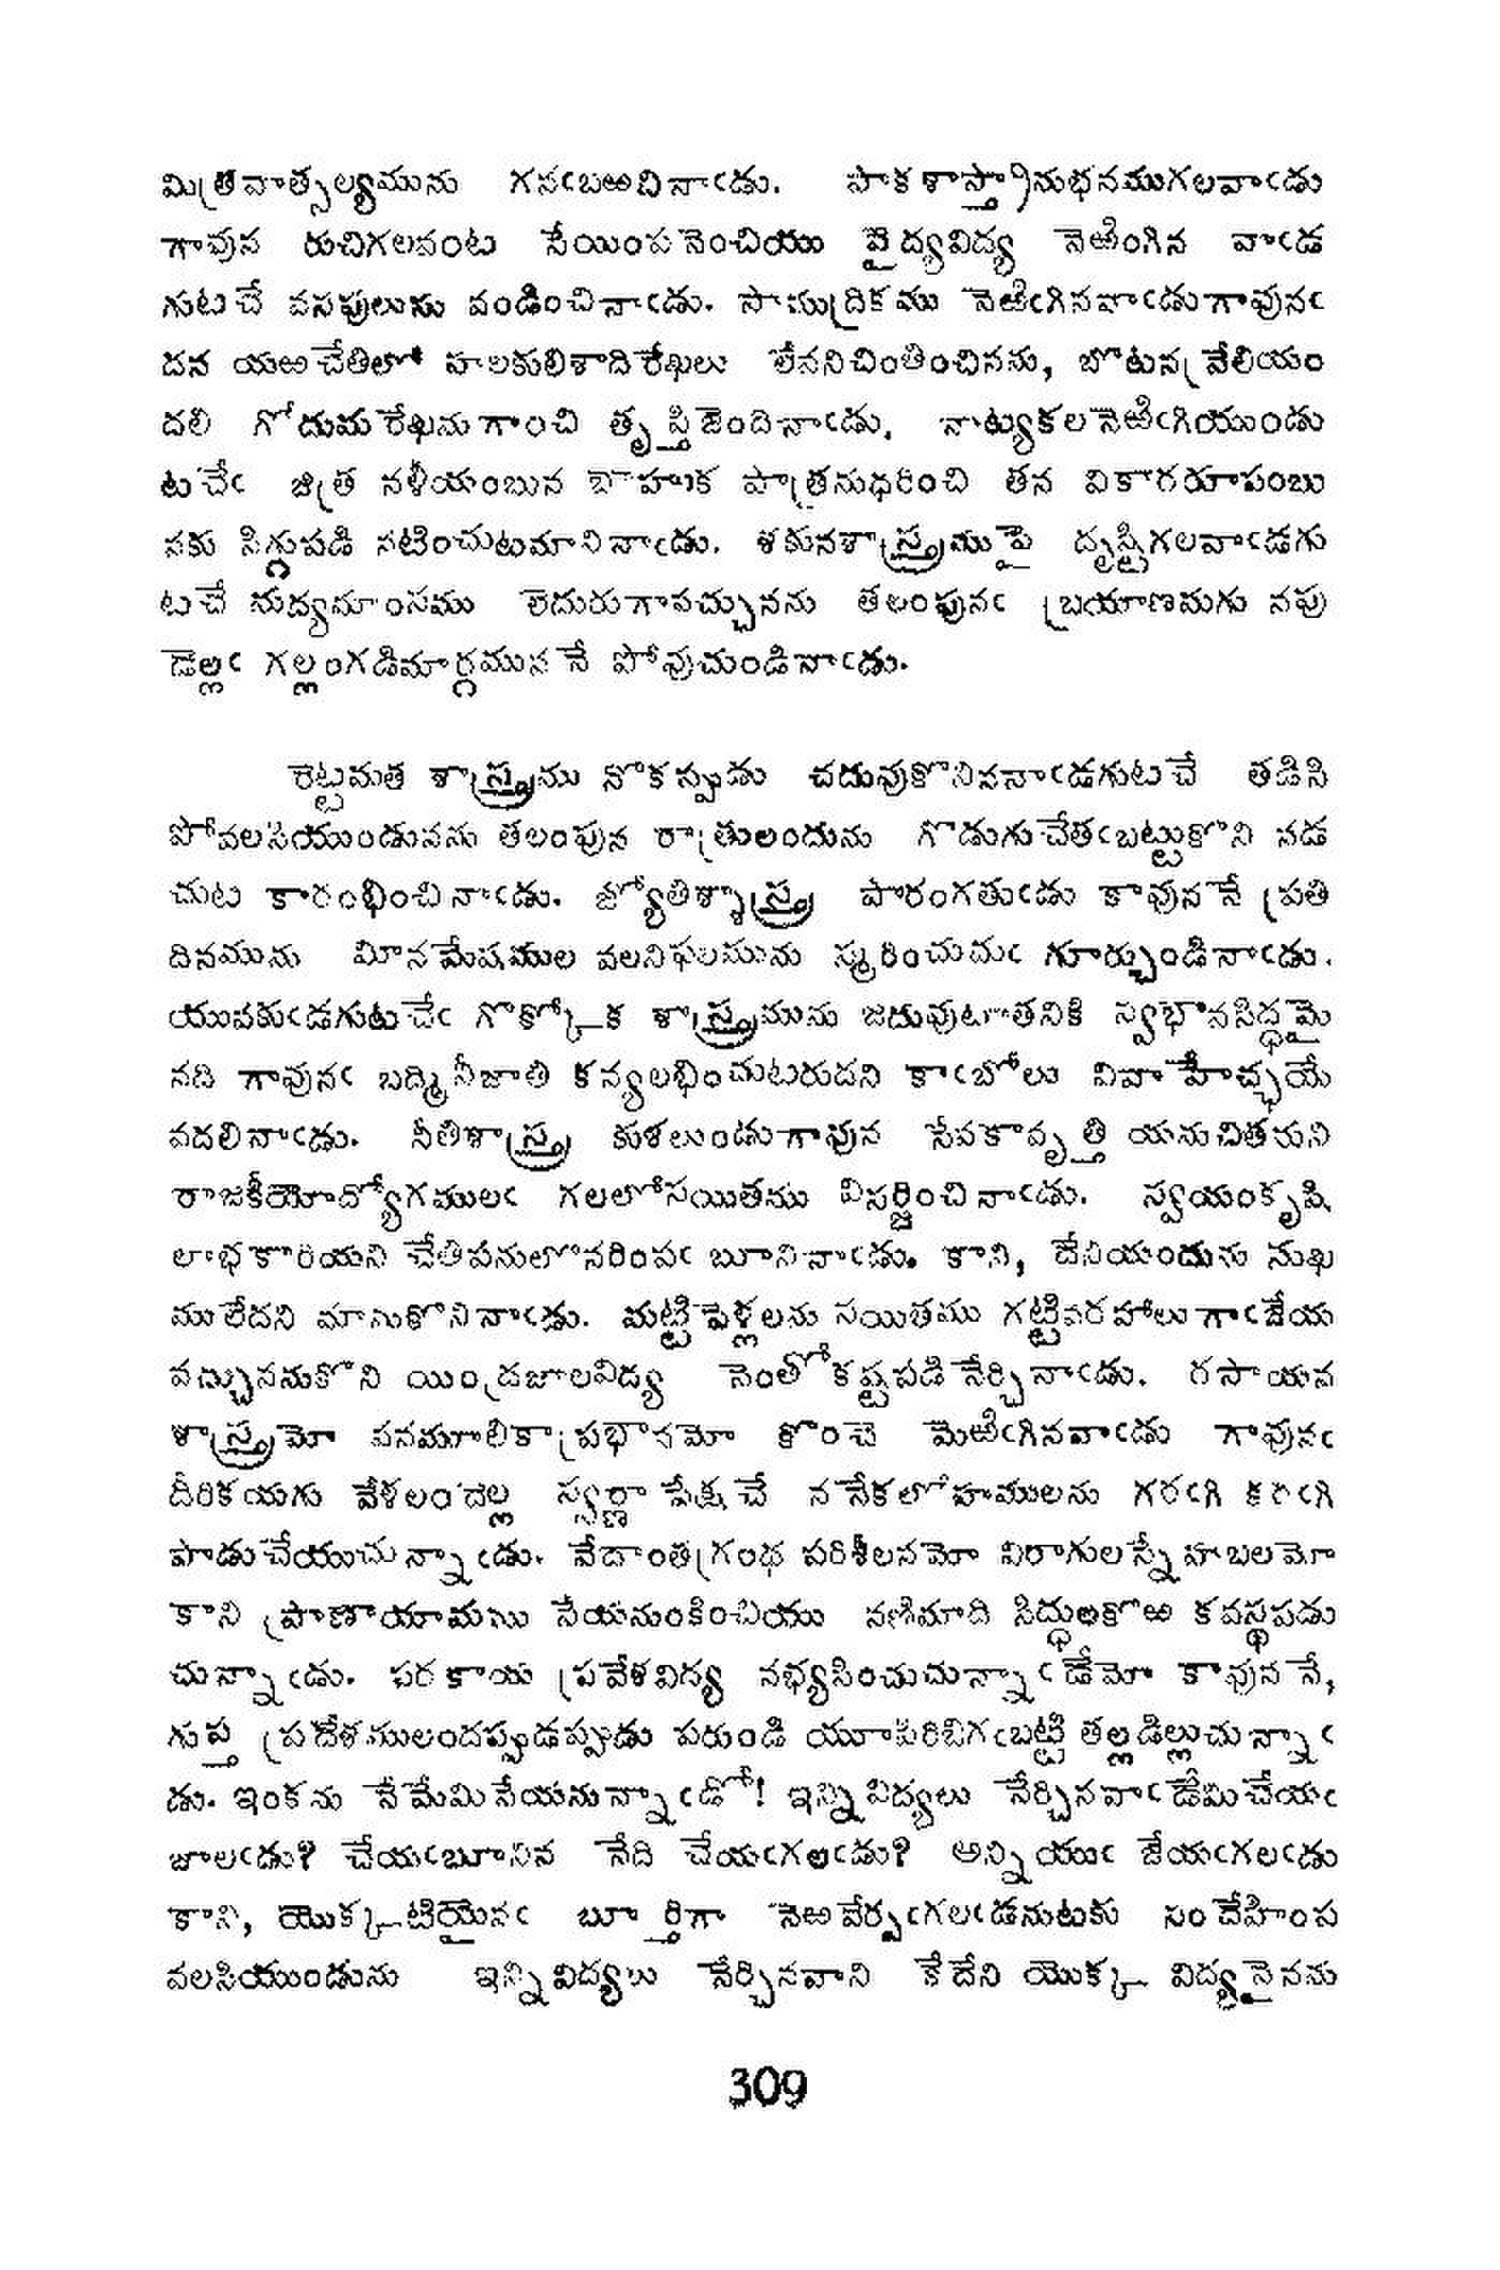మిత్రవాత్సల్యమును గనబఱచినాడు. పాకశాస్త్రానుభవము గలవాడు గావున రుచిగలవంత సేయింపనెంచియు వైద్యవిద్య నెఱింగిన వాడగుటచే పసపులుసు వండించినాడు. సాముద్రికం నెఱిగినవాడుగావున దన యఱచేతిలో హలకులికాది రేఖలు లేవనిచింతించినను, బొటనవ్రేలియందలి గోదుమరేఖను గాంచి తృప్తిజెందినవాడు. నాట్యకలనెఱిగియుండుటచే జిత్ర నళీయంబున భాహుక పాత్రనుధరించి తన వికారరూపంబునకు సిగ్గుపడి నటించుటమానినాడు శకునశాస్త్రముపై దృష్టిగలవాడగుటచే మధ్యమాంసము లెదురుగావచ్చునను తలంపున బ్రయాణమగు నపుడెల్ల గల్లంగడిమార్గముననే పోవుచుండినాడు.
 రెట్టమతశాస్త్రము నొకప్పుడు చదువుకొనినవాడగుటచే తడిసిపొవలసి యుండునను తలంపున రాత్ర్రులందును గొడుగుచేతబట్టుకొని నడచుట కారంభించినాడు. జ్యోతిశ్శాస్త్ర పారంగతుడు కావుననే ప్రతిదినమును మీనమేష ములవలనిహలమ్ను స్మరించు?డు గూర్చుండినాడు. యువకుడగుటచే గొక్కోక శాస్త్రమును జదువుటాతనికి స్వభావసిద్దమైనది గావున బద్మిమినీజాతి కన్య లంబించుటరుదని కాబోలు విహాహేచ్చయేవదలినాడు. నీతిశాస్త్ర కుసలుండు గావున సేవకావృత్తి యనుచితమని రాజకీయోద్యోగముల గలలోససయితము విసర్జించినాడు. స్వయంకృషిలాభకరియని చేతిపనులొనరింప బూనినాడు. కాని, దేనియందును సుఖములేదని మానుకొనినాడు. మట్టిపెళ్లలను సయితము గట్టివరహాలు గాజేయ్వచ్చునంకొని యింద్రజాలవిద్య నెంతోకష్టపడి నేర్చునాడు. రసాయనశాస్త్రమో వనమూలిగాప్రభావమో కొంచె మెఱితిగినవాడు గావున దీరికయగు వేళలందల్ల స్వర్ణాపేక్షచే ననేకలోహములను గరిగి కరిగి పాడు చేయుచున్నాడు. వేదాంతగ్రంధ పరిశీలనమో విరాగులస్నేహబలమో కాని ప్రాణాయామము సేయనుంకించియు మణిమాది సిద్ధులకొఱ కవస్దపడుచు న్నాడు. పరకా యప్రవేశవిద్య నభ్యసించుచున్నాడేమో కావుననే, గుప్త ప్రదేశము లందప్పుడప్పుడు పరుండి యూపేరిలిగబట్టి తల్లడిల్లుచున్నాడు. ఇంకను నేమేమి సేయనున్నాడో! ఇన్నివిద్యలు నేర్చినాడేమిచేయజాలడు? చేయబూనిన నేది చేయగలడు? అన్నియు జేయగలడుకాని, యొక్కటియైన బూర్తిగా నెఱవేర్పగలడనుటకు సందేహింపవలసియుండును. ఇన్నివిద్యలు నేర్చినవాని కేదేని యొక్క విద్యనైనను